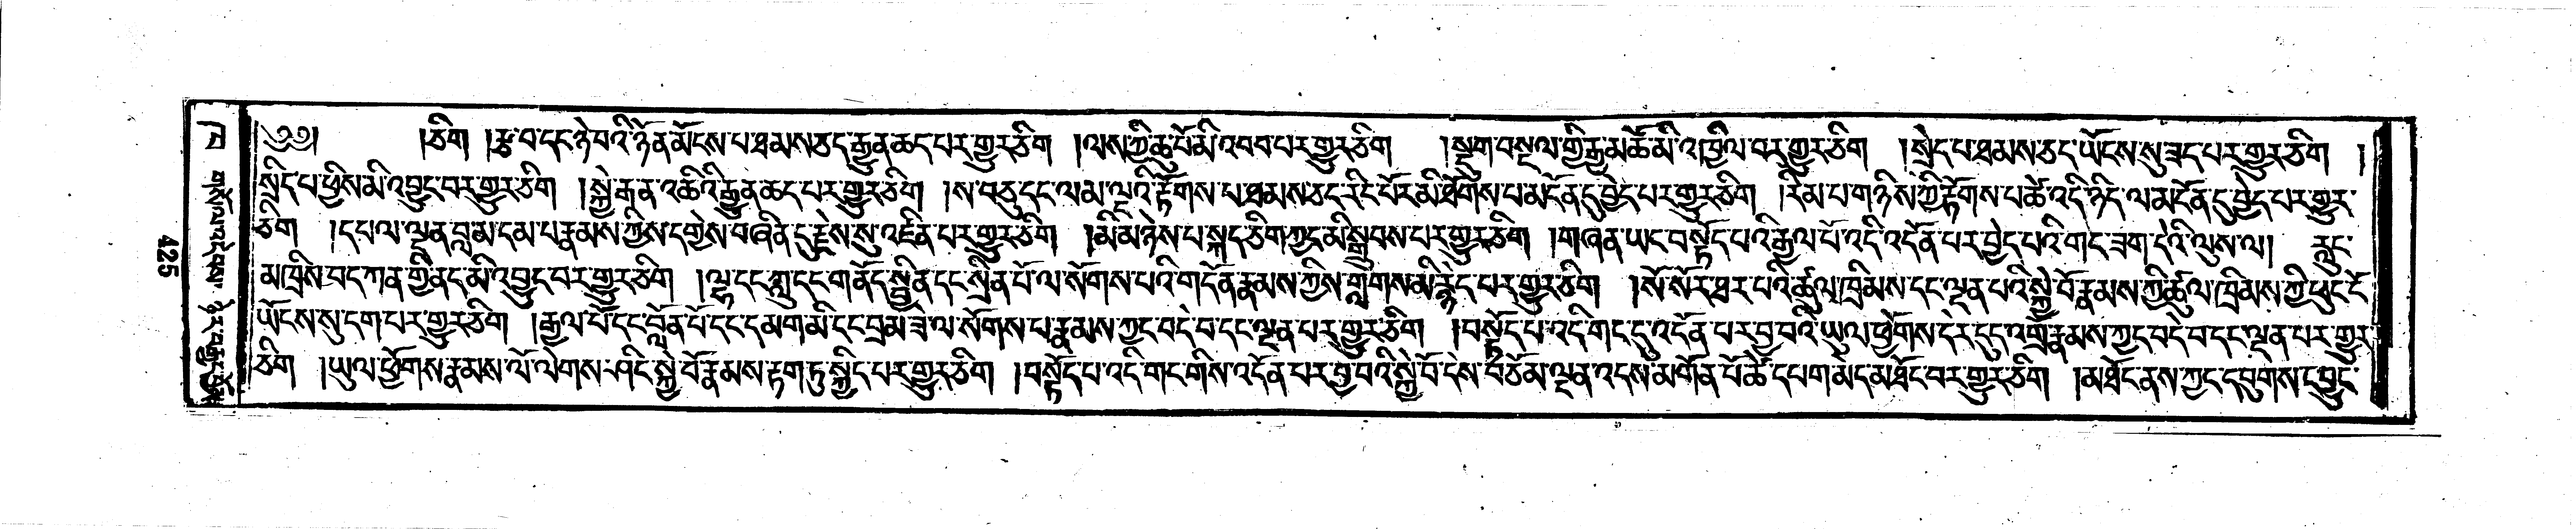༄༅། །ཅིག །རྩ་བ་དང་ཉེ་བའི་ཉོན་མོངས་པ་ཐམས་ཅད་རྒྱུན་ཆད་པར་གྱུར་ཅིག །ལས་ཀྱི་ཆུ་པོ་མི་འབབ་པར་གྱུར་ཅིག །སྡུག་བསྔལ་གྱི་རྒྱ་མཚོ་མི་འཁྱིལ་བར་གྱུར་ཅིག །སྲེད་པ་ཐམས་ཅད་ཡོངས་སུ་ཟད་པར་གྱུར་ཅིག །
སྲིད་པ་ཕྱིས་མི་འབྱུང་བར་གྱུར་ཅིག །སྐྱེ་རྒ་ན་འཆིའི་རྒྱུན་ཆད་པར་གྱུར་ཅིག །ས་བཅུ་དང་ལམ་ལྔའི་རྟོགས་པ་ཐམས་ཅད་རིང་པོར་མི་ཐོགས་པ་མངོན་དུ་བྱེད་པར་གྱུར་ཅིག །རིམ་པ་གཉིས་ཀྱི་རྟོགས་པ་ཚེ་འདི་ཉིད་ལ་མངོན་དུ་བྱེད་པར་གྱུར་
ཅིག །དཔལ་ལྡན་བླ་མ་དམ་པ་རྣམས་ཀྱིས་དགྱེས་བཞིན་དུ་རྗེས་སུ་འཛིན་པར་གྱུར་ཅིག །མི་མཉེས་པ་སྐད་ཅིག་ཀྱང་མི་སྒྲུབས་པར་གྱུར་ཅིག །གཞན་ཡང་བསྟོད་པའི་རྒྱལ་པོ་འདི་འདོན་པར་བྱེད་པའི་གང་ཟག་དེའི་ལུས་ལ། རླུང་
མཁྲིས་བད་ཀན་གྱི་ནད་མི་འབྱུང་བར་གྱུར་ཅིག །ལྷ་དང་ཀླུ་དང་གནོད་སྦྱིན་དང་སྲིན་པོ་ལ་སོགས་པའི་གདོན་རྣམས་ཀྱིས་གླགས་མི་རྙེད་པར་གྱུར་ཅིག །སོ་སོར་ཐར་པའི་ཚུལ་ཁྲིམས་དང་ལྡན་པའི་སྐྱེ་བོ་རྣམས་ཀྱི་ཚུལ་ཁྲིམས་ཀྱི་ཕུང་ངོ་
ཡོངས་སུ་དག་པར་གྱུར་ཅིག །རྒྱལ་པོ་དང་བློན་པོ་དང་དམག་མི་དང་བྲམ་ཟེ་ལ་སོགས་པ་རྣམས་ཀྱང་བདེ་བ་དང་ལྡན་པར་གྱུར་ཅིག །བསྟོད་པ་འདི་གང་དུ་འདོན་པར་བྱ་བའི་ཡུལ་ཕྱོགས་དེར་དུད་འགྲོ་རྣམས་ཀྱང་བདེ་བ་དང་ལྡན་པར་གྱུར་
ཅིག །ཡུལ་ཕྱོགས་རྣམས་ལོ་ལེགས་ཤིང་སྐྱེ་བོ་རྣམས་རྟག་ཏུ་སྐྱིད་པར་གྱུར་ཅིག །བསྟོད་པ་འདི་གང་གིས་འདོན་པར་བྱ་བའི་སྐྱེ་བོ་དེས་བཅོམ་ལྡན་འདས་མགོན་པོ་ཚེ་དཔག་མེད་མཐོང་བར་གྱུར་ཅིག །མཐོང་ནས་ཀྱང་དབུགས་དབྱུང་